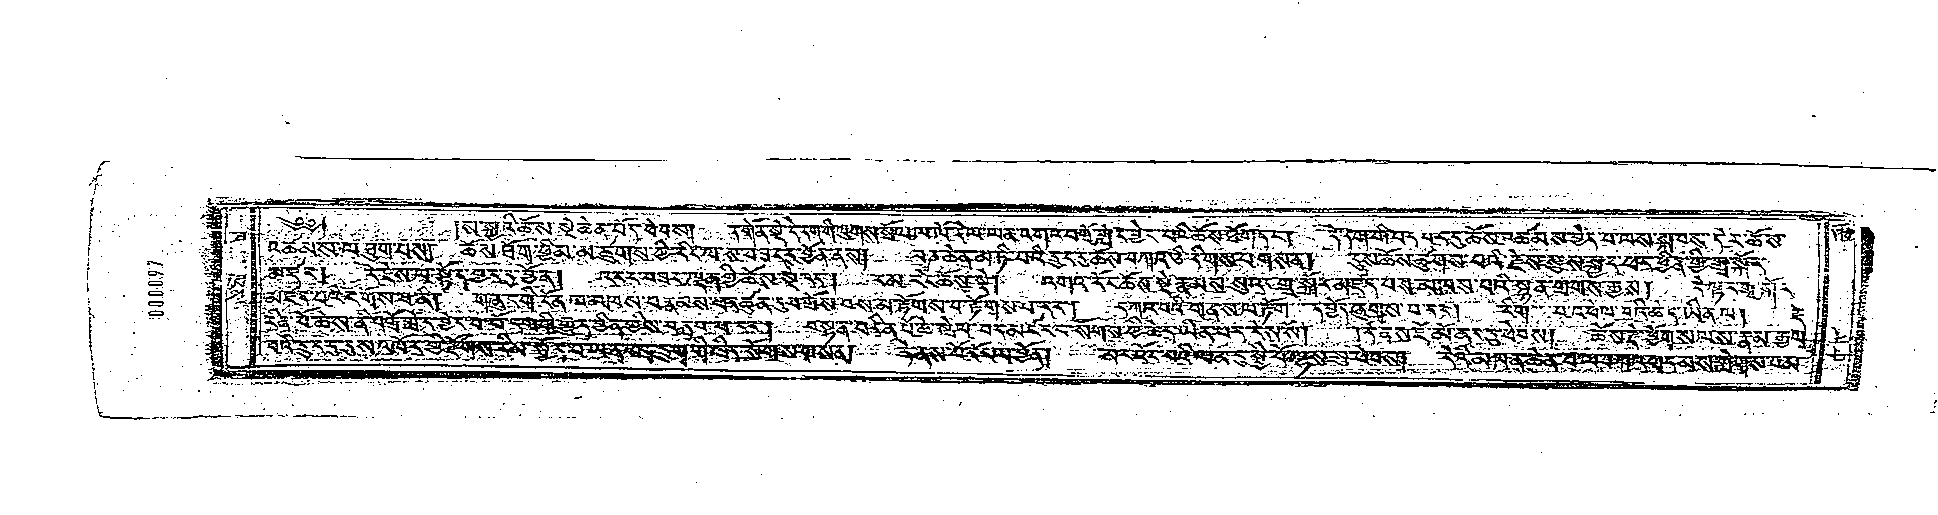༄༅། །ས་སྐྱའི་ཆོས་སྡེ་ཆེན་བོད་ཕེབས། དགོན་སྡེ་དེ་དག་གི་ལུགས་སྲོལ་ལ་ལོ་རེལ་ལན་འགའ་བགྲོ་གླེང་བྱེད་པའི་ཆོས་ཐོག་དང་། དེ་དག་གི་བར་བར་དུ་ཆོས་འཚམས་བྱེད་པ་ལས་སྐབས་དེར་ཆོས་
འཚམས་ལ་ཐུག་པས། ཆོས་ཐོག་ཕྱིམ་མ་ཚུགས་ཀྱི་རིང་ལ་ས་བཟང་དུ་བྱོན་ནས། པཎ་ཆེན་མ་ཏི་པའི་དྲུང་དུ་ཆོས་བཀའ་ཅི་རིགས་པ་གསན། དུས་ཆོས་ཆུགས་པའི་རྗེས་སུ་ས་སྐྱར་ཕར་ཕྱིན་གྱི་གྲྭ་སྐོར་
མཛད། དེ་རྗེས་ལ་སྟོད་བྱང་དུ་བྱོན། འདིར་བཟང་ལྡན་གྱི་ཆོས་སྡེ་དང་། ངམ་རེང་ཆོས་སྡེ། འགའ་རོང་ཆོས་སྡེ་རྣམས་སུའང་གྲྭ་སྐོར་མཛད་པས་མཁས་པའི་སྙན་གྲགས་རྒྱས། དེ་ལྟར་གྲྭ་སྐོར་
མཛད་པའི་དགོས་པ་ནི། གཞུང་གི་དོན་ལ་མཁས་བ་རྣམས་ཕན་ཚུན་དུ་བགྲོས་བས་མ་རྟོགས་བ་རྟོགས་པ་དང་། དཀའ་བའི་གནས་ལ་རྟོག་དཔྱོད་ཞུགས་པ་དང་། རིག་བ་འཕེལ་བའི་ཆེད་ཡིན་ལ། རྗེ་
རིན་པོ་ཆེས་ནི་བགྲོ་གླེང་བྱེད་པ་པོ་དག་གི་རྒྱུད་བྱིན་གྱིས་བརླབ་པ་དང་། བསྟན་པ་རིན་པོ་ཆེ་སྤེལ་བར་མཛད་པ་སོགས་ཀྱི་ཆེད་ཡིན་པར་ངེས་སོ། །དེ་ནས་ཇོ་མོ་ནང་དུ་ཕེབས། ཆོས་རྗེ་ཕྱོགས་ལས་རྣམ་རྒྱལ་
བའི་དྲུང་དུ་དུས་འཁོར་གྱི་རྫོགས་རིམ་སྦྱོར་བ་ཡན་ལག་དྲུག་གི་ཁྲིད་སོགས་གསན། དེ་ནས་བོ་དོང་ལ་བྱོན། མར་འོང་བའི་ལམ་དུ་སྤྱི་བོ་ལྷས་སུ་ཕེབས། དེའི་མཁན་ཆེན་བ་ལ་བཀའ་གདམས་གླེགས་བམ་